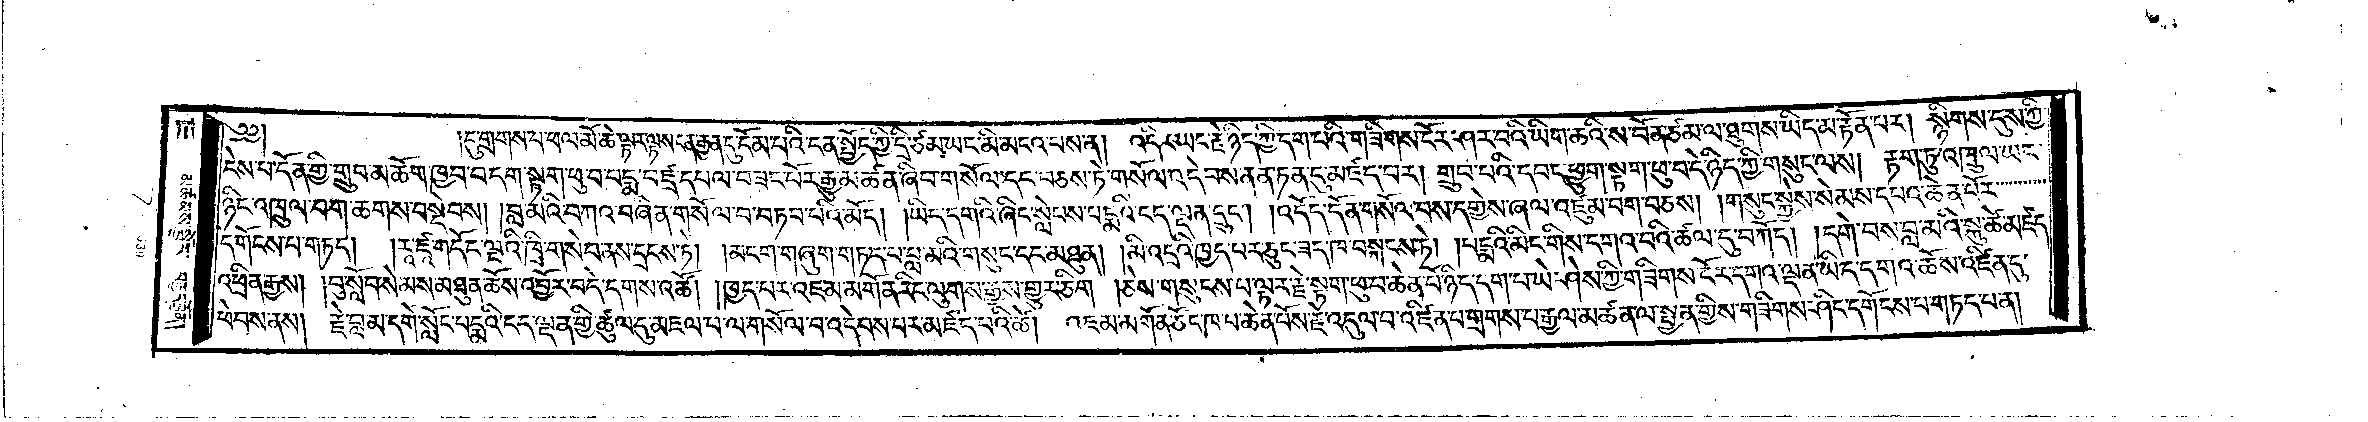༄༅། །དུ་གྲགས་པ་ཕལ་མོ་ཆེ་ལྟར་ལྟས་ངན་རྒྱན་དུ་ངོམ་པའི་ངན་སྤྱོད་ཀྱི་དྲི་ཙམ་ཡང་མི་མངའ་བས་ན། འདིར་ཡང་རྗེ་ཉིད་ཀྱི་དག་པའི་གཟིགས་ངོར་ཤར་བའི་ཡིག་ཆའི་ས་བོན་ཙམ་ལ་ཐུགས་ཡིད་མ་རྟོན་པར། སྙིགས་དུས་ཀྱི་
ངེས་པ་དོན་གྱི་གྲུབ་མཆོག་ཁྱབ་བདག་སྟག་ཕུ་བ་པདམ་བཛྲ་དཔལ་བཟང་པོར་རྒྱུ་མཚན་ཞིབ་གསོལ་དང་བཅས་ཏེ་གསོལ་འདེབས་ནན་ཏན་དུ་མཛད་པར། གྲུབ་བའི་དབང་ཕྱུག་སྟག་ཕུ་བ་དེ་ཉིད་ཀྱི་གསུང་ལས། རྟག་ཏུ་འཁྲུལ་ཡང་
ཉིད་འཁྲུལ་བག་ཆགས་བསྡེབས། །བླ་མའི་བཀའ་བཞིན་གསོལ་བ་བཏབ་པའི་མོད། །ཡིད་དགའི་ཞིང་སླེབས་པདམའི་ངད་ལྡན་དྲུང་། །འདོད་དོན་གསོལ་བས་དགྱེས་ཞལ་འཛུམ་བག་བཅས། །གསུང་སྐྱེས་སེམས་དཔའ་ཆེན་པོར་
དགོངས་པ་གཏད། །རཱ་ཛཱ་གདོང་ལྔའི་ཁྲི་གསེབ་ནས་དྲངས་ཏེ། །མངག་གཞུག་གཏད་པ་བླ་མའི་གསུང་དང་མཐུན། །མི་འདྲའི་ཁྱད་པར་ཅུང་ཟད་ཁ་བསྐངས་ཏེ། །པདམའི་མིང་གིས་དགའ་བའི་ཚལ་དུ་བཀོད། །དགེ་བས་བླ་མའི་སྐུ་ཚེ་མཛད་
འཕྲིན་རྒྱས། །བུ་སློབ་སེམས་མཐུན་ཆོས་འབྱོར་བདེ་དགས་འཚོ། །ཁྱད་པར་འཇམ་མགོན་རིང་ལུགས་རྒྱས་གྱུར་ཅིག །ཅེས་གསུངས་པ་ལྟར་རྗེ་སྟག་ལུབ་ཆེན་པོ་ཉིད་དག་པ་ཡེ་ཤེས་ཀྱི་གཟིགས་ངོར་དགའ་ལྡན་ཡིད་དགའ་ཆོས་འཛིན་དུ་
བེབས་ནས། རྗེ་བླ་མ་དགེ་སློང་པདམའི་ངད་ལྡན་གྱི་ཚུལ་དུ་མཇལ་བ་ལ་གསོལ་བ་འདེབས་པར་མཛད་པའི་ཚེ། འཇམ་མགོན་ཙོང་ཁ་བ་ཆེན་པོས་རྗེ་འདུལ་བ་འཛིན་པ་གྲགས་པ་རྒྱལ་མཚན་ལ་སྤྱན་གྱིས་གཟིགས་ཤིང་དགོངས་པ་གཏད་པ་ན།